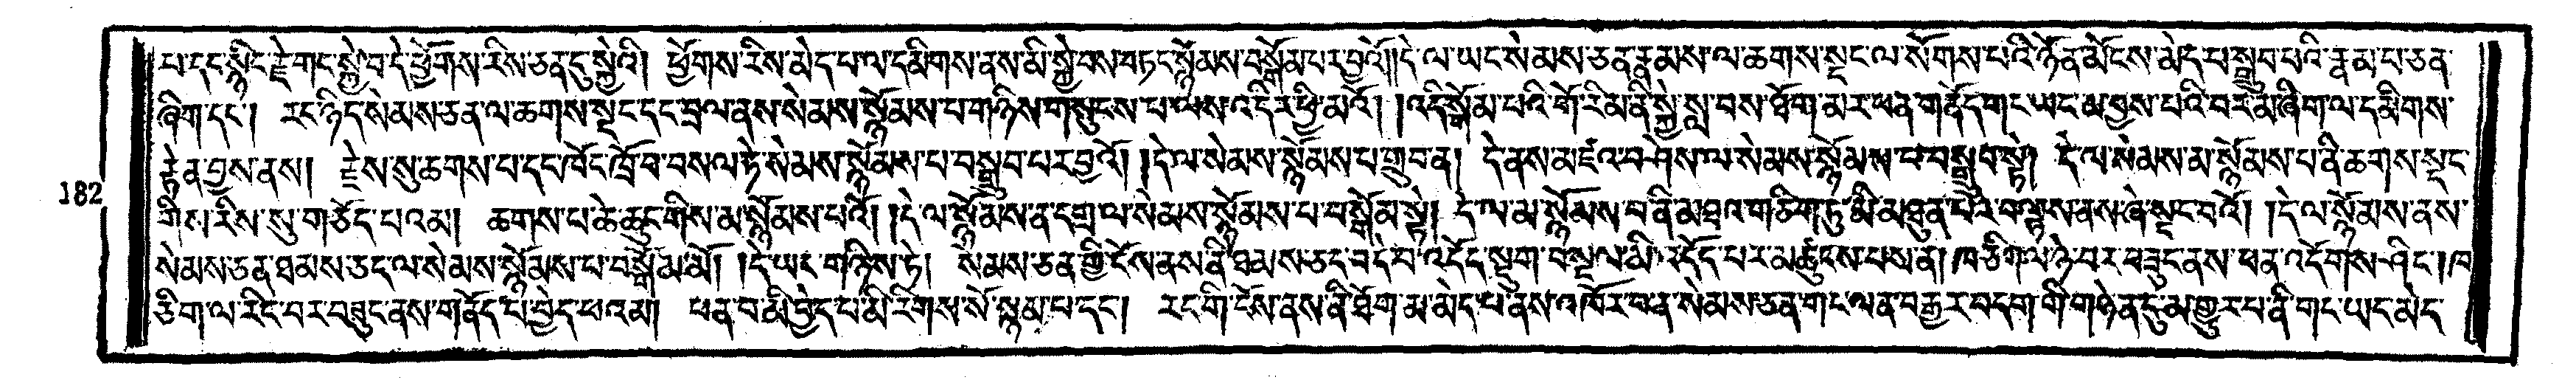པ་དང་སྙིང་རྗེ་གང་སྐྱེ་བ་དེ་ཕྱོགས་རིས་ཅན་དུ་སྐྱེའི། ཕྱོགས་རིས་མེད་པ་ལ་དམིགས་ནས་མི་སྐྱེ་བས་བཏང་སྙོམས་བསྒོམ་པར་བྱའོ།།དེ་ལ་ཡང་སེམས་ཅན་རྣམས་ལ་ཆགས་སྡང་ལ་སོགས་པའི་ཉོན་མོངས་མེད་པ་སྒྲུབ་པའི་རྣམ་པ་ཅན་
ཞིག་དང་། རང་ཉིད་སེམས་ཅན་ལ་ཆགས་སྡང་དང་བྲལ་ནས་སེམས་སྙོམས་པ་གཉིས་གསུངས་པ་ལས་འདིར་ཕྱི་མའོ། །འདི་སྒོམ་པའི་གོ་རིམ་ནི་སྐྱེ་སླ་བས་ཐོག་མར་ཕན་གནོད་གང་ཡང་མ་བྱས་པའི་བར་མ་ཞིག་ལ་དམིགས་
རྟེན་བྱས་ནས། རྗེས་སུ་ཆགས་པ་དང་ཁོང་ཁྲོ་བ་བསལ་ཏེ་སེམས་སྙོམས་པ་བསྒྲུབ་པར་བྱའོ། །དེ་ལ་སེམས་སྙོམས་པ་གྲུབ་ན། དེ་ནས་མཛའ་བཤེས་ལ་སེམས་སྙོམས་བ་བསྒྲུབ་སྟེ། དེ་ལ་སེམས་མ་སྙོམས་པ་ནི་ཆགས་སྡང་
གིས་རིས་སུ་གཅོད་པའམ། ཆགས་པ་ཆེ་ཆུང་གིས་མ་སྙོམས་པའོ། །དེ་ལ་སྙོམས་ན་དགྲ་ལ་སེམས་སྙོམས་པ་བསྒོམ་སྟེ། དེ་ལ་མ་སྙོམས་བ་ནི་མཐའ་གཅིག་ཏུ་མི་མཐུན་པར་བལྟས་ནས་ཞེ་སྡང་བའོ། །དེ་ལ་སྙོམས་ནས་
སེམས་ཅན་ཐམས་ཅད་ལ་སེམས་སྙོམས་པ་བསྒོམ་མོ། །དེ་ཡང་གཉིས་ཏེ། སེམས་ཅན་གྱི་ངོས་ནས་ནི་ཐམས་ཅད་བདེ་བ་འདོད་སྡུག་བསྔལ་མི་འདོད་པར་མཚུངས་པས་ན། ཁ་ཅིག་ལ་ཉེ་བར་བཟུང་ནས་ཕན་འདོགས་ཤིང་། ཁ་
ཅིག་ལ་རིང་བར་བཟུང་ནས་གནོད་པ་བྱེད་ཕའམ། ཕན་བ་མི་བྱེད་པ་མི་རིགས་སོ་སྙམ་པ་དང་། རང་གི་ངོས་ནས་ནི་ཐོག་མ་མེད་པ་ནས་འཁོར་བ་ན་སེམས་ཅན་བརྒྱར་བདག་གི་གཉེན་དུ་མ་གྱུར་པ་ནི་གང་ཡང་མེད་